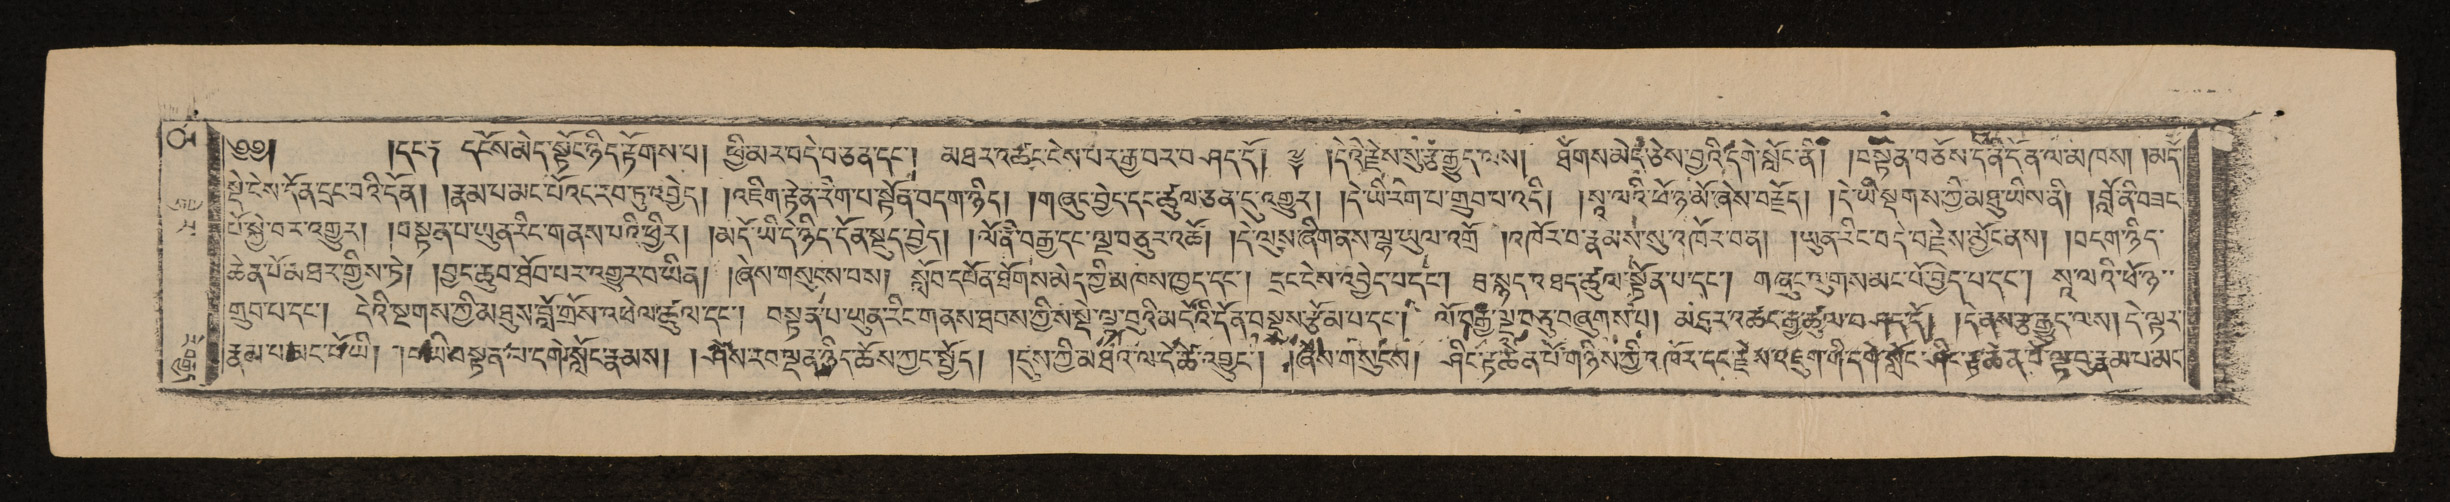༄༅། །དང༑ དངོས་མེད་སྟོང་ཉིད་རྟོགས་པ། ཕྱི་མར་བདེ་བ་ཅན་དང་། མཐར་འཚང་ངེས་པར་རྒྱ་བར་བཤད་དོ། ༈ །དེའི་རྗེས་སུ་རྩ་རྒྱུད་ལས། ཐོགས་མེད་ཅེས་བྱའི་དགེ་སློང་ནི། །བསྟན་བཅོས་དེ་ནི་དོན་ལ་མཁས། །མདོ་
སྡེ་ངེས་དོན་དྲང་བའི་དོན། །རྣམ་པ་མང་པོའང་རབ་ཏུ་འབྱེད། །འཇིག་རྟེན་རིག་པ་སྟོན་བདག་ཉིད། །གཞུང་བྱེད་དང་ཚུལ་ཅན་དུ་འགྱུར། །དེ་ཡི་རིག་པ་གྲུབ་པ་འདི། །སཱ་ལའི་ཕོ་ཉ་མོ་ཞེས་བརྗོད། །དེ་ཡི་སྔགས་ཀྱི་མཐུ་ཡིས་ནི། །བློ་ནི་བཟང་
པོ་སྐྱེ་བར་འགྱུར། །བསྟན་པ་ཡུན་རིང་གནས་པའི་ཕྱིར། མདོ་ཡེ་དེ་ཉིད་དོན་སྡུད་བྱེད། །ལོ་ནི་བརྒྱ་དང་ལྔ་བཅུར་འཚོ། །དེ་ལུས་ཞིག་ནས་ལྷ་ཡུལ་འགྲོ་།འཁོར་བ་རྣམས་སུ་འཁོར་བ་ན། །ཡུན་རིང་བདེ་བ་རྗེས་མྱོང་ནས། །བདག་ཉིད་
ཆེན་པོ་མཐར་གྱིས་ཏེ། །བྱང་ཆུབ་ཐོབ་པར་འགྱུར་བ་ཡིན། །ཞེས་གསུངས་པས། སློབ་དཔོན་ཐོགས་མེད་ཀྱི་མཁས་ཁྱད་དང་། དྲང་ངེས་འབྱེད་པ་དང་། ཐ་སྙད་འཐད་ཚུལ་སྟོན་བ་དང་། གཞུང་ལུགས་མང་པོ་བྱེད་པ་དང་། སཱ་ལའི་ཕོ་ཉ་
གྲུབ་པ་དང་། དེའི་སྔགས་ཀྱི་མཐུས་བློ་གྲོས་འཕེལ་ཚུལ་དང་། བསྟན་པ་ཡུན་རིང་གནས་ཐབས་ཀྱིས་སྡེ་ལྟ་བུའི་མདོའི་དོན་བསྡུས་རྩོམ་པ་དང་། ལོ་བརྒྱ་ལྔ་བཅུ་བཞུགས་པ། མཐར་འཚང་རྒྱ་ཚུལ་བཤད་དོ། །དེ་ནས་རྩ་རྒྱུད་ལས། དེ་ལྟར་
རྣམ་པ་མང་པོ་ཡི། །ང་ཡི་བསྟན་ལ་དགེ་སློང་རྣམས། །ཤེས་རབ་ལྡན་ཉིད་ཆོས་ཀྱང་སྤྱོད། །དུས་ཀྱི་མཐའ་ལ་དེ་ཚེ་འབྱུང་། །ཞེས་གསུངས། ཤིང་རྟ་ཆེན་པོ་གཉིས་ཀྱི་འཁོར་དང་རྗེས་འཇུག་གི་དགེ་སློང་ཤིང་རྟ་ཆེན་པོ་ལྟ་བུ་རྣམ་བ་མང་